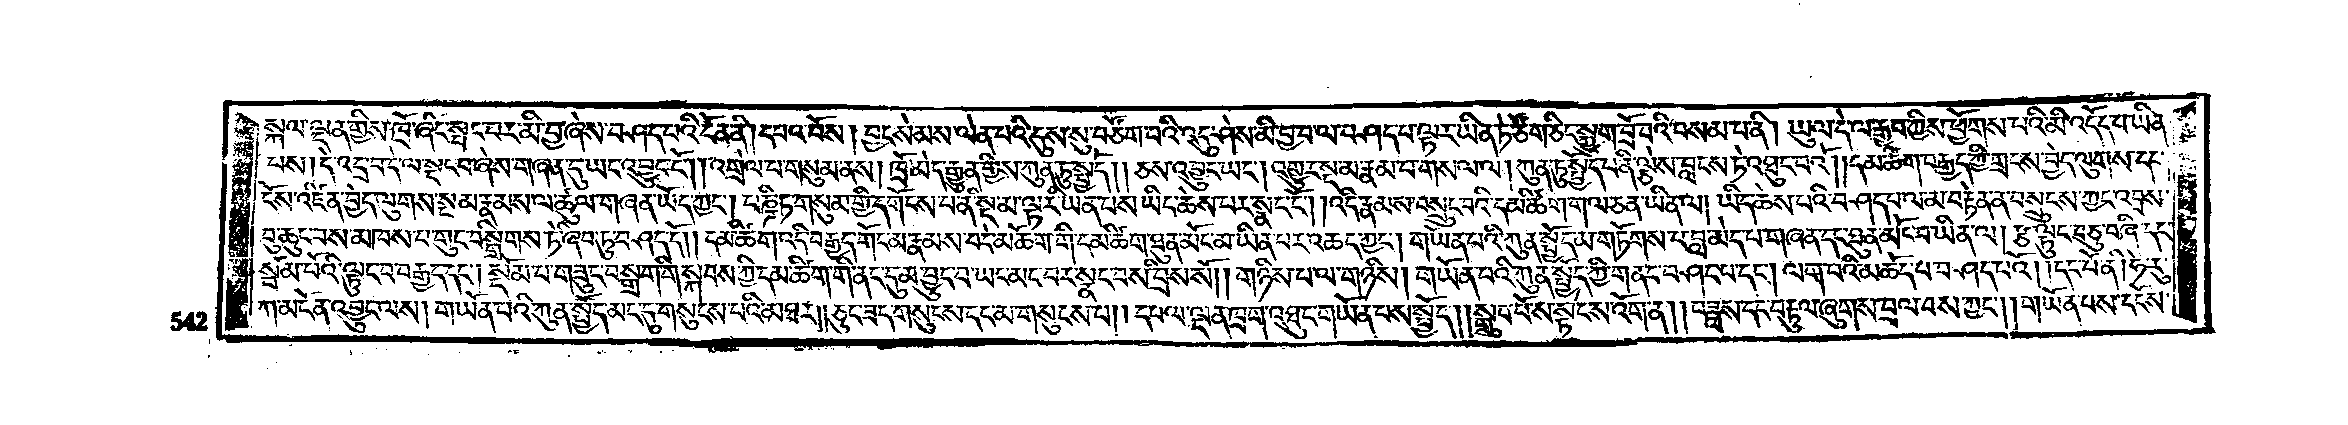སྐལ་ལྡན་གྱིས་ཁྲོ་ཞིང་སྤང་བར་མི་བྱ་ཞེས་བཤད་པའི་དོན་ནི། དཔའ་བོས། བྱང་སེམས་ལེན་པའི་དུས་སུ་བཙོག་པའི་འདུ་ཤེས་མི་བྱ་བ་ལ་བཤད་པ་ལྟར་ཡིན་ཏེ་ཙོག་ཅིང་སྐྱུག་བྲོ་བའི་བསམ་པ་ནི། ཡུལ་དེ་ལ་རྒྱབ་ཀྱིས་ཕྱོགས་པའི་མི་འདོད་པ་ཡིན་
པས། དེ་འདྲ་བ་དེ་ལ་སྡང་བ་ཞེས་གཞན་དུ་ཡང་འབྱུང་ངོ། །འགྲེལ་པ་གསུམ་ནས། ཁྲོ་མེད་རྒྱུན་གྱིས་ཀུན་ཏུ་སྤྱོད། །ཅེས་འབྱུང་ཡང་། འགྱུར་སྔ་མ་རྣམ་པ་གསལ་ལ། ཀུན་ཏུ་སྤྱོད་པ་ནི་ལྕེས་བླངས་ཏེ་འཐུང་བའོ། །དམ་ཚིག་བརྒྱད་ཀྱི་གྲངས་བྱེད་ལུགས་དང་།
ངོས་འཛིན་བྱེད་ལུགས་སྔ་མ་རྣམས་ལ་ཚུལ་གཞན་ཡོད་ཀྱང་། པཎྜི་ཏ་གསུམ་གྱི་དགོངས་པ་ནི་སྔ་མ་ལྟར་ཡིན་པས་ཡིད་ཆེས་པར་སྣང་ངོ། །འདི་རྣམས་བསྲུང་བའི་དམ་ཚིག་གལ་ཅན་ཡིན་ལ། ཡིད་ཆེས་པའི་བཤད་པ་ལ་མ་བརྟེན་ན་བསྲུངས་ཀྱང་འབྲས་
བུ་ཆུང་བས་མཁས་པ་གུང་བསྒྲིགས་ཏེ་ཞིབ་ཏུ་བཤད་དོ། །དམ་ཚིག་འདི་བརྒྱད་གོང་མ་རྣམས་བདེ་མཆོག་གི་དམ་ཚིག་ཐུན་མོང་མ་ཡིན་པར་འཆད་ཀྱང་། གཡོན་པའི་ཀུན་སྤྱོད་མ་གཏོགས་པ་བླ་མེད་པ་གཞན་དང་ཐུན་མོང་བ་ཡིན་ལ། རྩ་ལྟུང་བཅུ་བཞི་དང་
སྦོམ་པོའི་ལྟུང་བ་བརྒྱད་དང་། སྡོམ་པ་གཟུང་བསྒྲག་གི་སྐབས་ཀྱི་དམ་ཚིག་གི་ནང་དུ་མ་བྱུང་བ་ཡང་མང་བར་སྣང་བས་བྲིས་སོ། །གཉིས་པ་ལ་གཉིས། གཡོན་པའི་ཀུན་སྤྱོད་ཀྱི་གནང་བཤད་པ་དང་། ལག་པའི་མཆོད་པ་བཤད་པའོ། །དང་པོ་ནི། ཧེ་རུ་
ཀ་མངོན་འབྱུང་ལས། གཡོན་པའི་ཀུན་སྤྱོད་མང་དུ་གསུངས་པའི་མཐར། །ཅུང་ཟད་གསུངས་དང་མ་གསུངས་པ། །དཔལ་ལྡན་ཁྲག་འཐུང་གཡོན་པས་སྤྱོད། །སྒྲུབ་པོ་ས་སྟེང་ས་འོག་ན། །བཟླས་དང་བརྟུལ་ཞུགས་བྲལ་བས་ཀྱང་། །གཡོན་པས་དངོས་